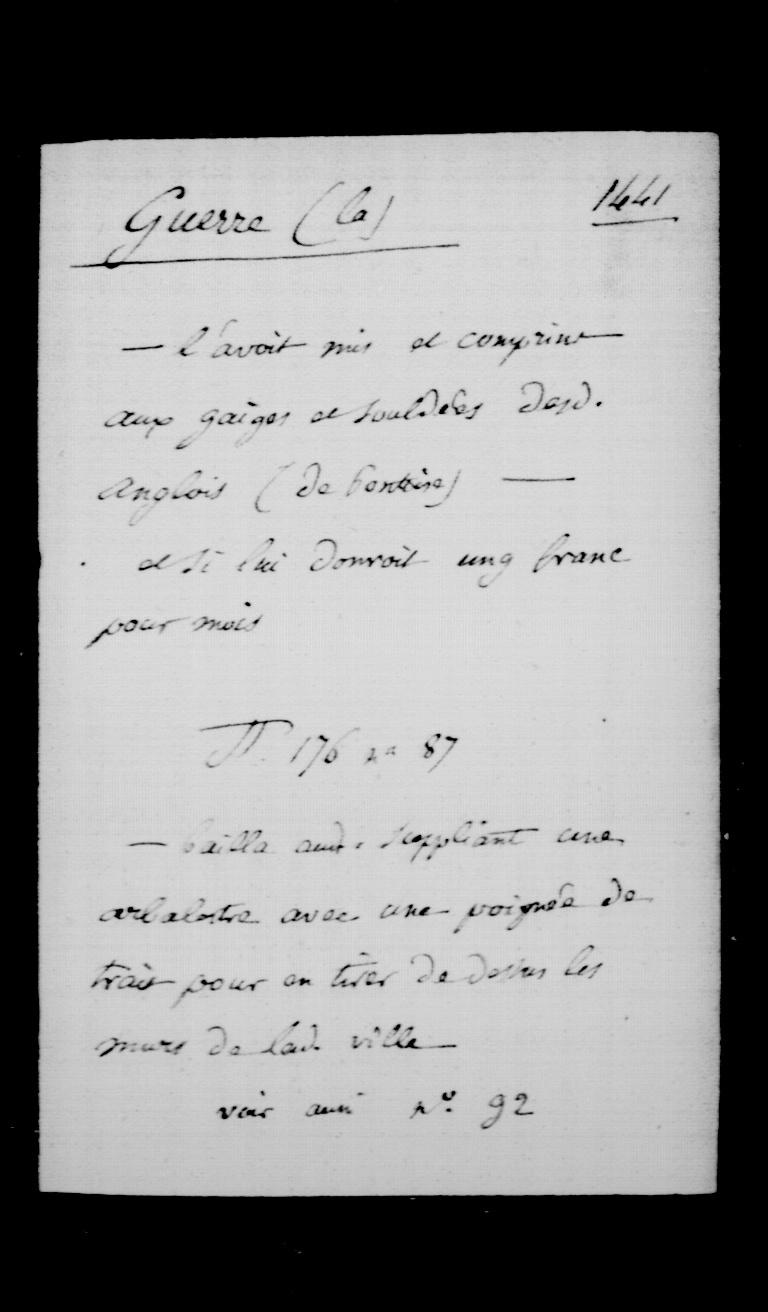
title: Guerre (la)
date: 1441
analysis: - l'avoit mis et comprins aux gaiges et souldées desdits Anglois (de Pontoise) - et si lui donroit ung franc pour mois - bailla audit suppliant une arbalestre avec une poignée de trait pour en tirer de dessus les murs de ladicte ville
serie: JJ
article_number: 176
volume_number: n° 87
